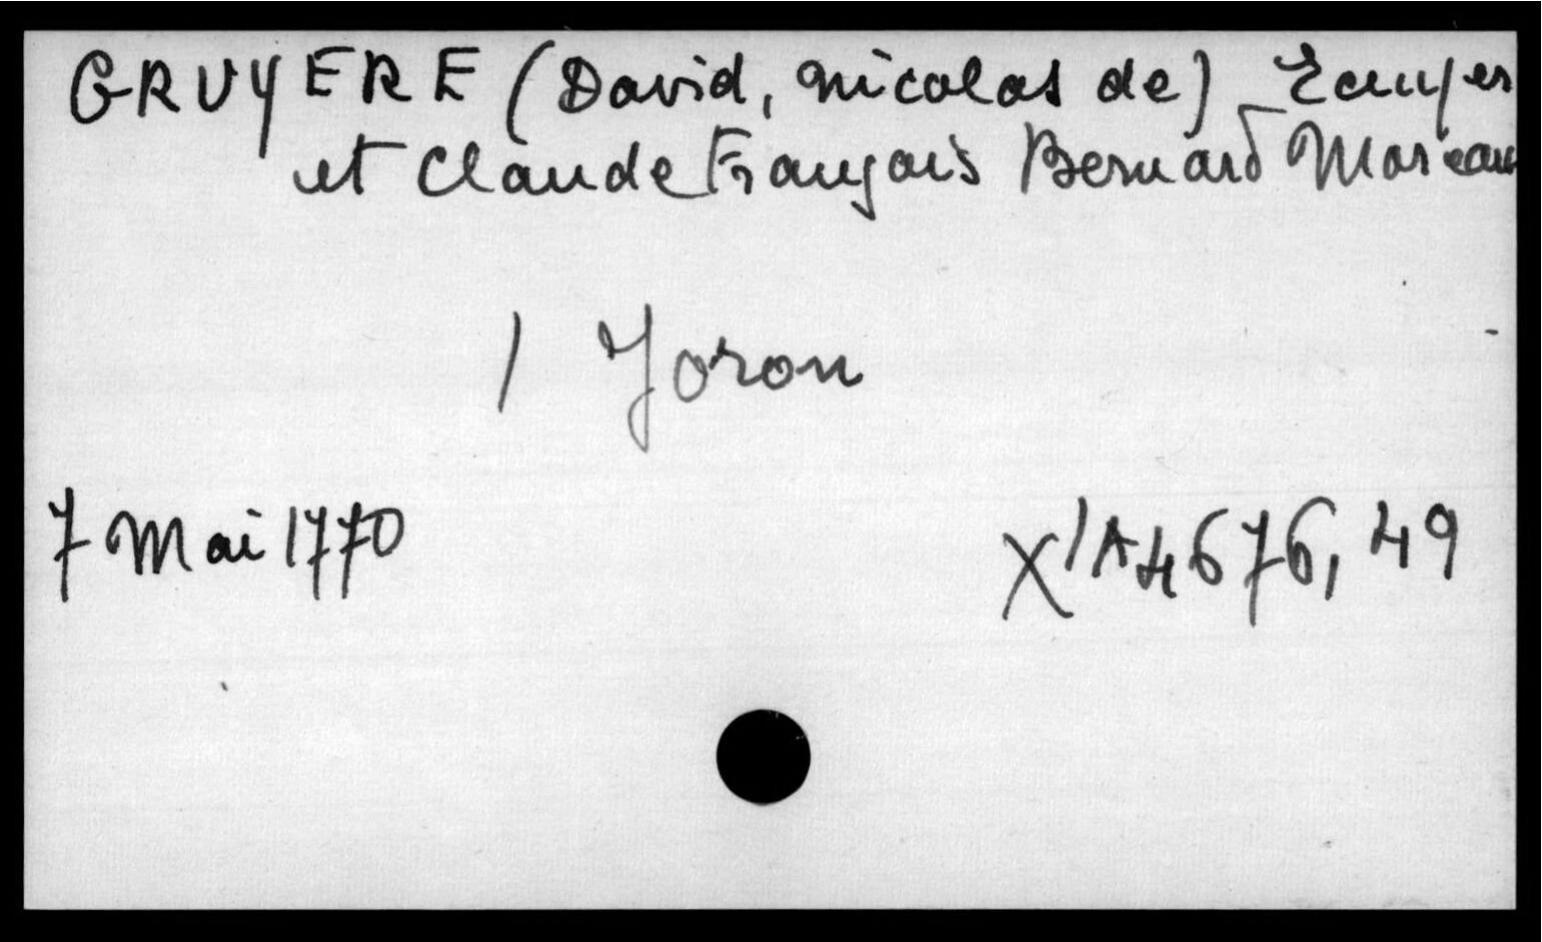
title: GRUYERE (David Nicolas de), écuyer, et Claude François Bernard Moreau
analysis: Contre Joron
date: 7 mai 1770
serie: X1A
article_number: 4676
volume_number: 49
